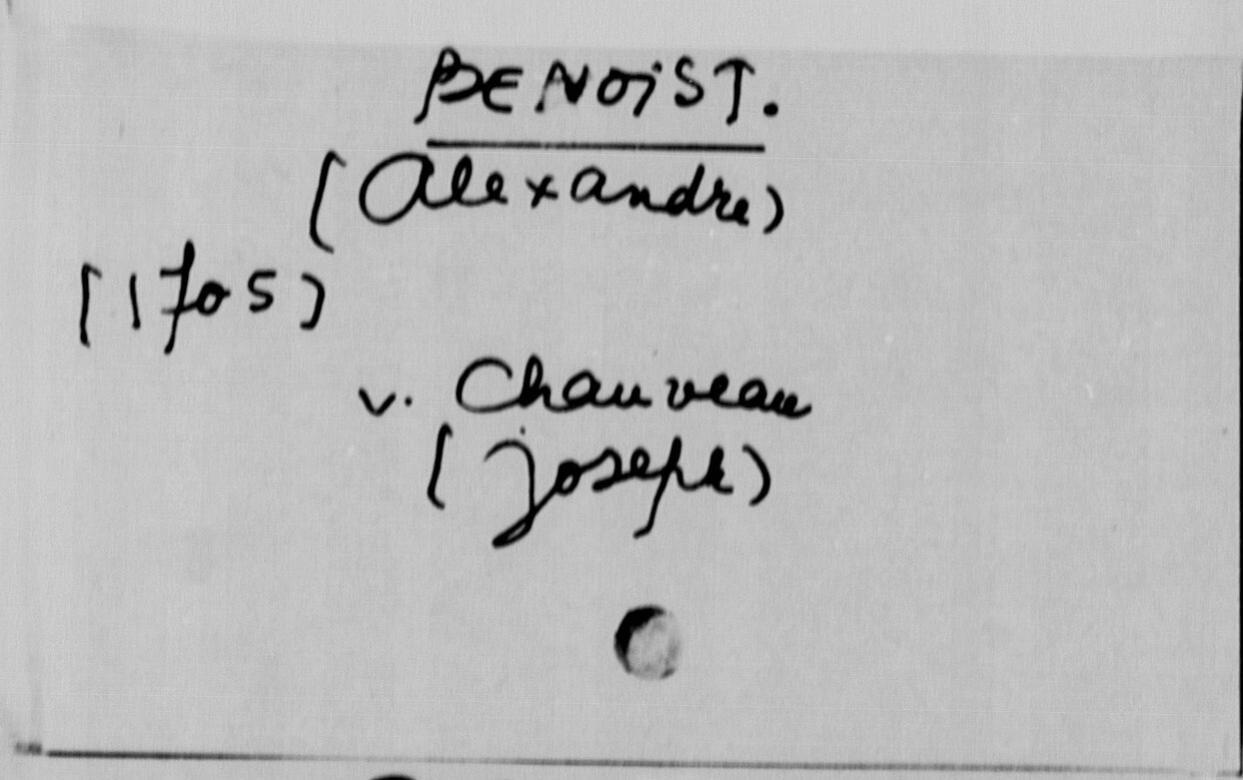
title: BENOIST (Alexandre)
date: [1705]
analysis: Voir Chauveau (Joseph)
